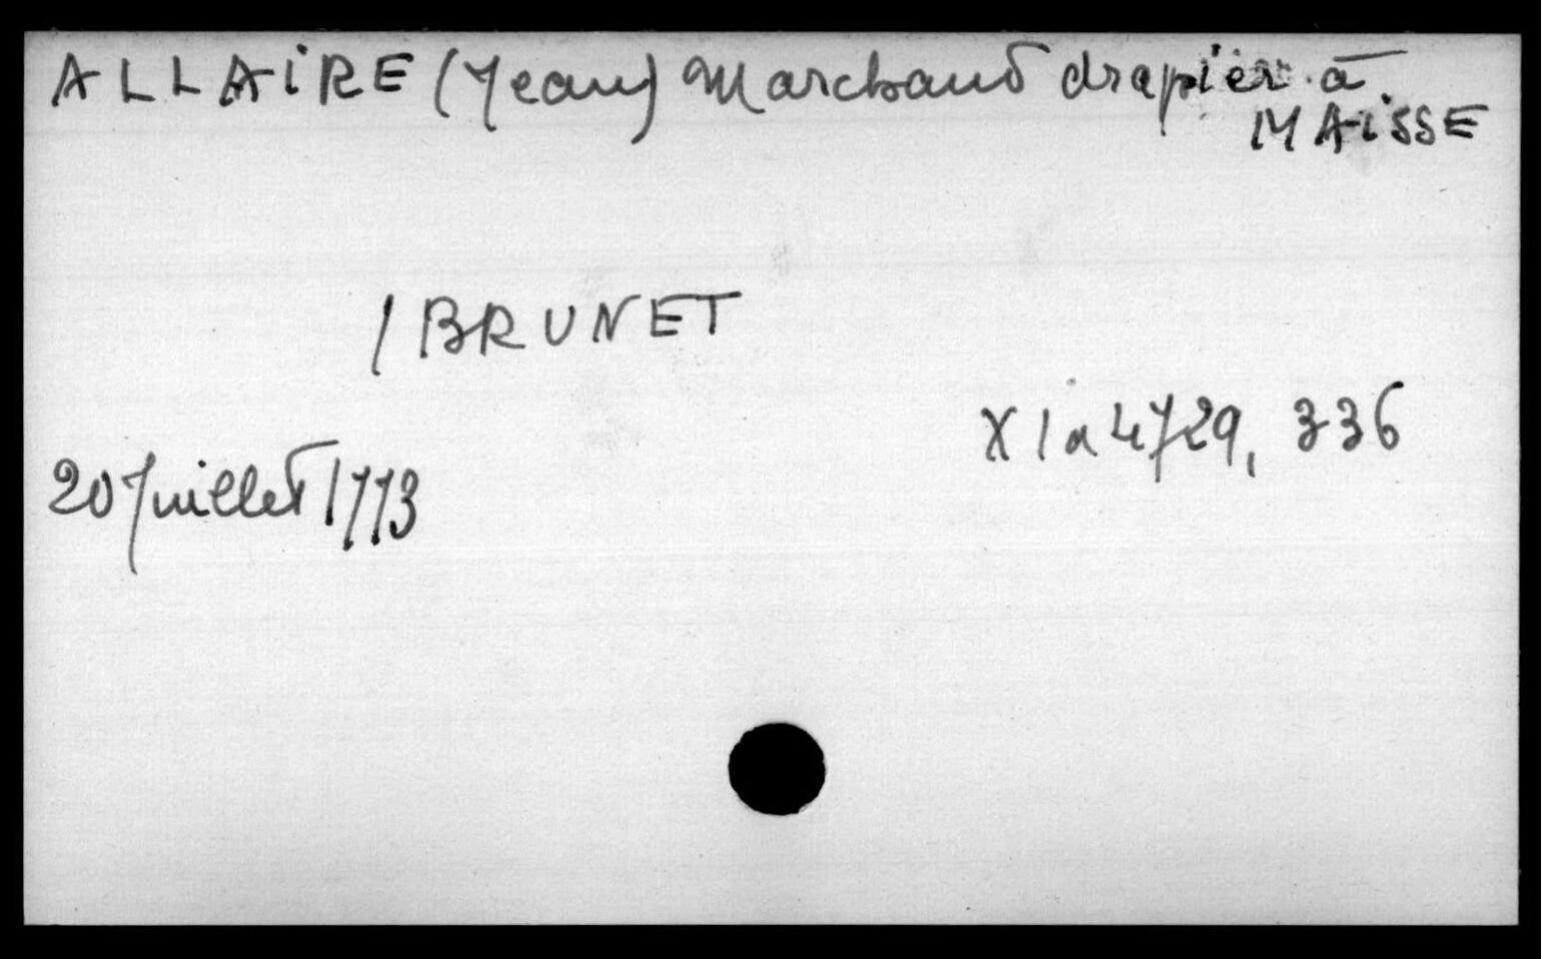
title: ALLAIRE (Jean) Marchand drapier à MAISSE
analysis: Contre BRUNET
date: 20 juillet 1773
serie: X1a
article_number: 4729
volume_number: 336
